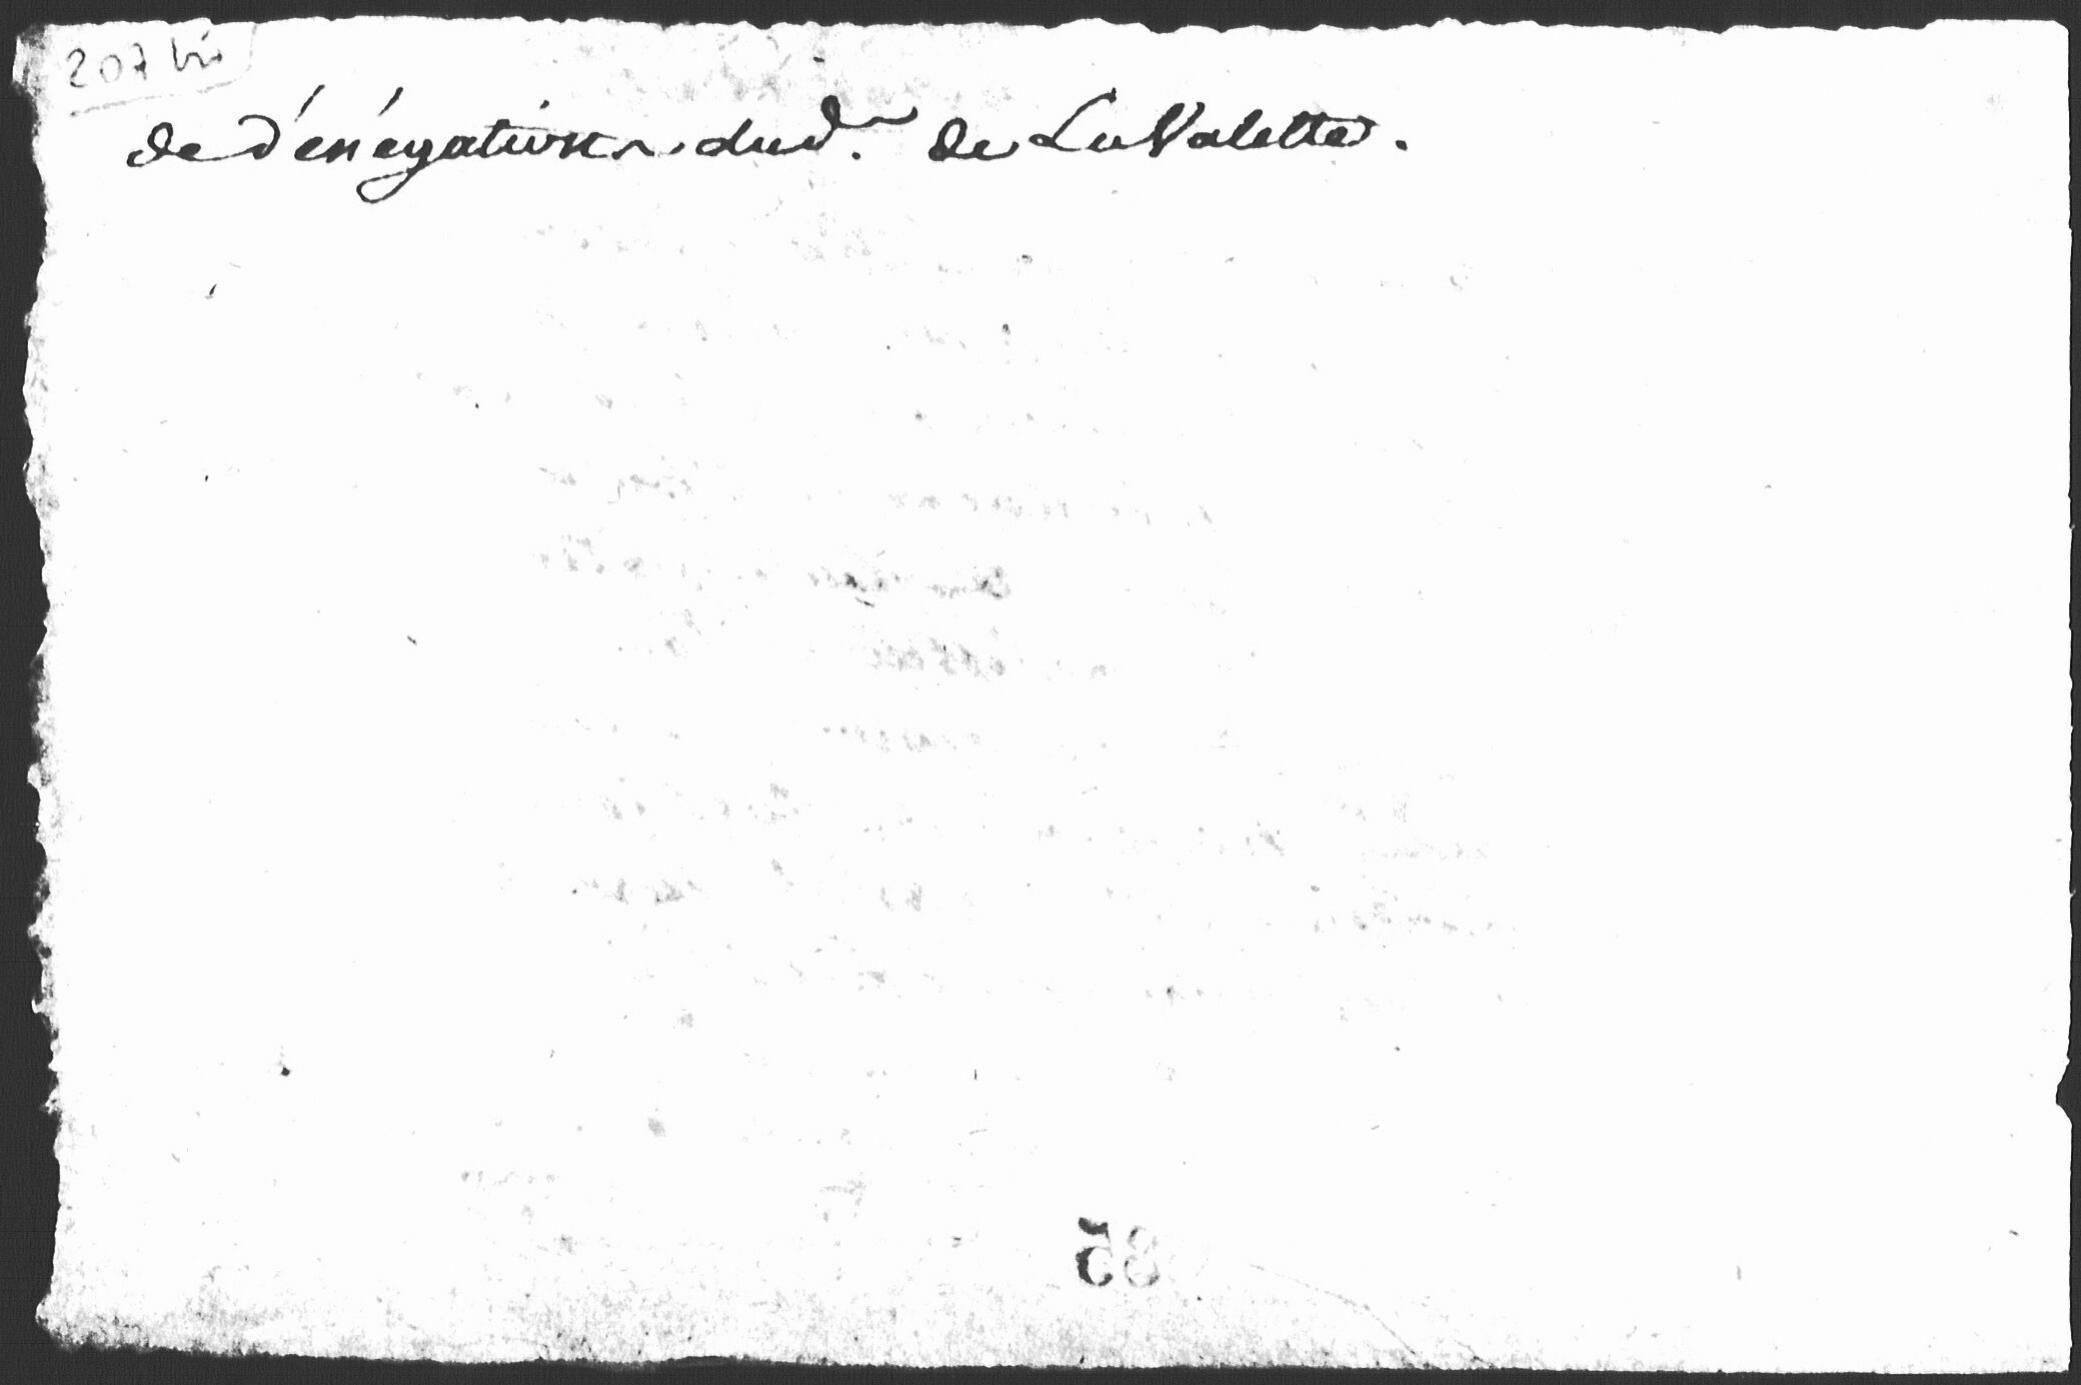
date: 2 janvier 1636
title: de dénégations dud. de Lavalette.
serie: E
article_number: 1685
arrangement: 2. vol.
